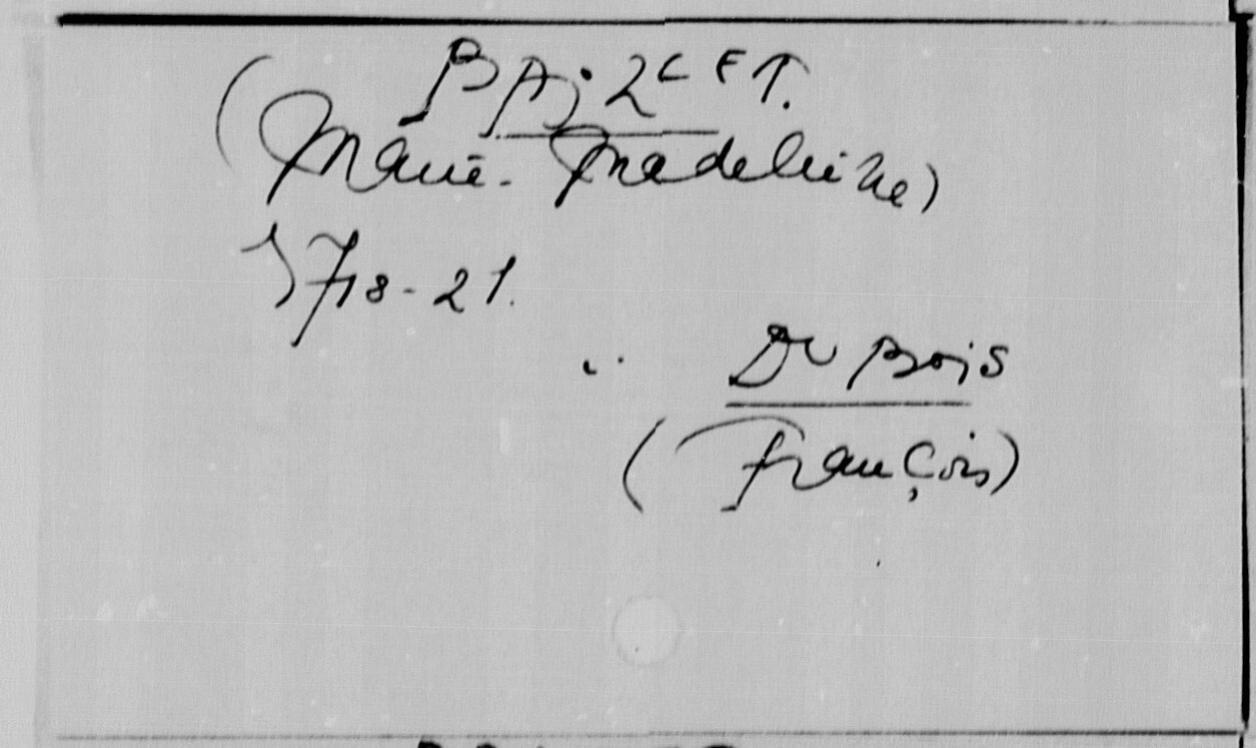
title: BAILLET (Marie-Madeleine)
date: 1718-1721
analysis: Voir DU BOIS (François)
